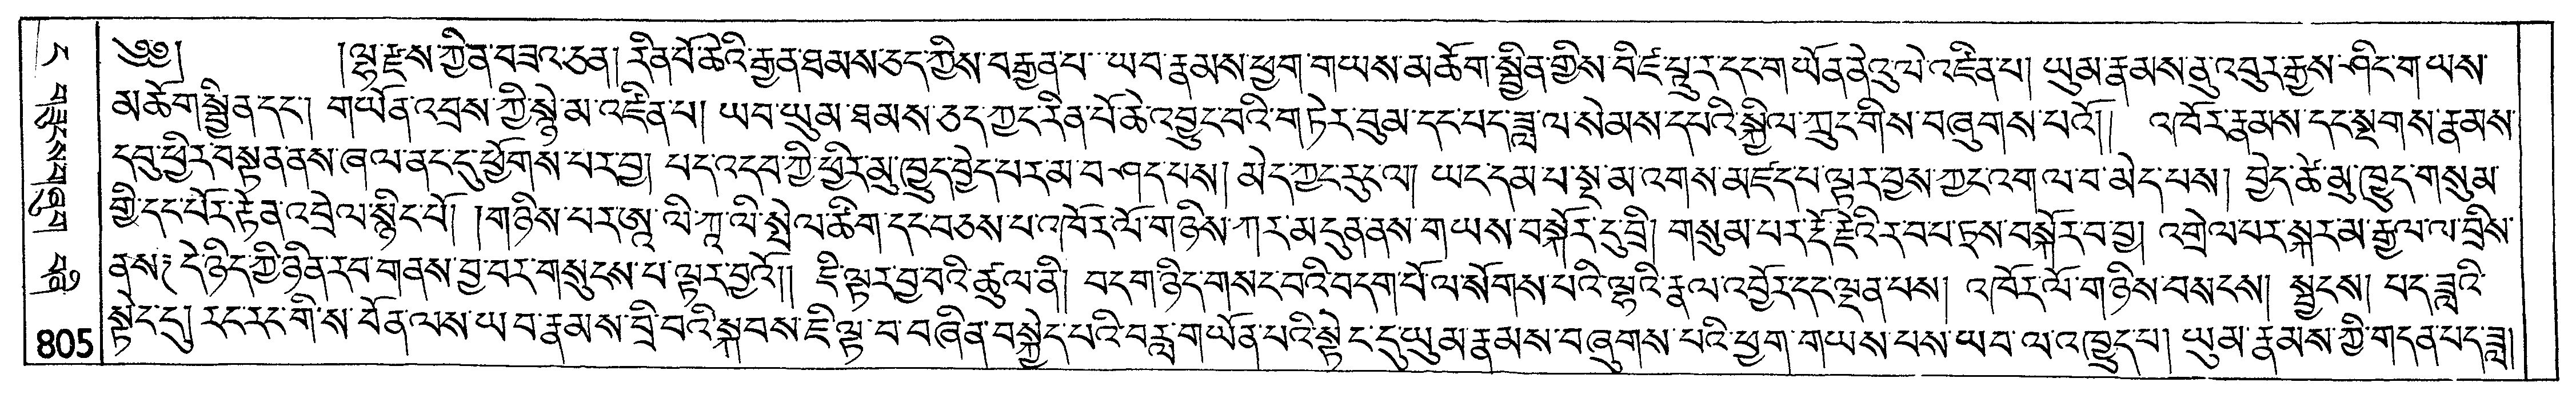༄༅། །ལྷ་རྫས་ཀྱི་ན་བཟའ་ཅན། རིན་པོ་ཆེའི་རྒྱན་ཐམས་ཅད་ཀྱིས་བརྒྱན་པ་ཡབ་རྣམས་ཕྱག་གཡས་མཆོག་སྦྱིན་གྱིས་བི་ཛ་པཱུ་ར་དང་གཡོན་ནེའུ་ལེ་འཛིན་པ། ཡུམ་རྣམས་ནུ་འབུར་རྒྱས་ཤིང་གཡས་
མཆོག་སྦྱིན་དང་། གཡོན་འབྲས་ཀྱི་སྙེ་མ་འཛིན་པ། ཡབ་ཡུམ་ཐམས་ཅད་ཀྱང་རིན་པོ་ཆེ་འབྱུང་བའི་གཏེར་བུམ་དང་པད་ཟླ་ལ་སེམས་དཔའི་སྐྱིལ་ཀྲུང་གིས་བཞུགས་པའོ། །འཁོར་རྣམས་དང་སྔགས་རྣམས་
དབུ་ཕྱིར་བསྟན་ནས་ཞལ་ནང་དུ་ཕྱོགས་པར་བྱ། པད་འདབ་ཀྱི་ཕྱིར་མུ་ཁྱུད་བྱེད་པར་མ་བཤད་པས། མེད་ཀྱང་རུང་ལ། ཡང་དམ་པ་སྔ་མ་འགས་མཛད་པ་ལྟར་བྱས་ཀྱང་འགལ་བ་མེད་པས། བྱེད་ཚེ་མུ་ཁྱུད་གསུམ་
གྱི་དང་པོར་རྟེན་འབྲེལ་སྙིང་པོ། །གཉིས་པར་ཨཱ་ལི་ཀཱ་ལི་སྤེལ་ཚིག་དང་བཅས་པ་འཁོར་ལོ་གཉིས་ཀར་མདུན་ནས་གཡས་བསྐོར་དུ་བྲི། གསུམ་པར་རྡོ་རྗེའི་ར་བ་པ་ཏྲས་བསྐོར་བ་བྱ། འགྲེལ་པར་སྐར་མ་རྒྱལ་ལ་བྲིས་
ནས༑ དེ་ཉིད་ཀྱི་ཉིན་རབ་གནས་བྱ་བར་གསུངས་པ་ལྟར་བྱའོ། །ཇི་ལྟར་བྱ་བའི་ཚུལ་ནི། བདག་ཉིད་གསང་བའི་བདག་པོ་ལ་སོགས་པའི་ལྷའི་རྣལ་འབྱོར་དང་ལྡན་པས། འཁོར་ལོ་གཉིས་བསངས། སྦྱངས། པད་ཟླའི་
སྟེང་དུ། རང་རང་གི་ས་བོན་ལས་ཡབ་རྣམས་བྲི་བའི་སྐབས་ཇི་ལྟ་བ་བཞིན་བསྐྱེད་པའི་བརླ་གཡོན་པའི་སྟེང་དུ་ཡུམ་རྣམས་བཞུགས་པའི་ཕྱག་གཡས་པས་ཡབ་ལ་འཁྱུད་པ། ཡུམ་རྣམས་ཀྱི་གདན་པད་ཟླ།